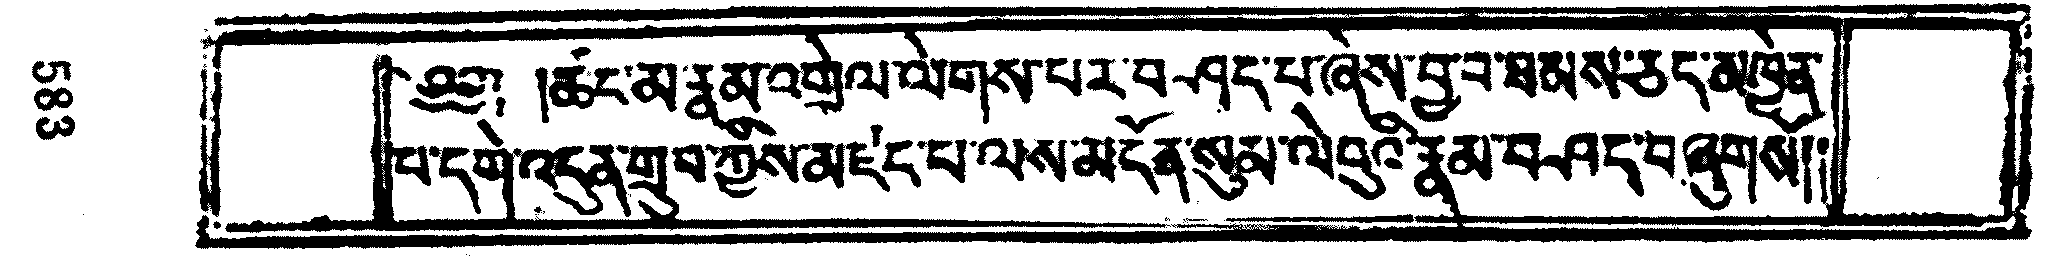༄༅། །ཚང་མ་རྣམ་འགྲེལ་ལེགས་པར་བཤད་པ་ཞེས་བྱ་བ་ཐམས་ཅད་མཁྱེན་
པ་དགེ་འདུན་གྲུབ་ཀྱིས་མཛད་པ་ལས་མངོན་སུམ་ལེའུའི་རྣམ་བཤད་བཞུགས།།